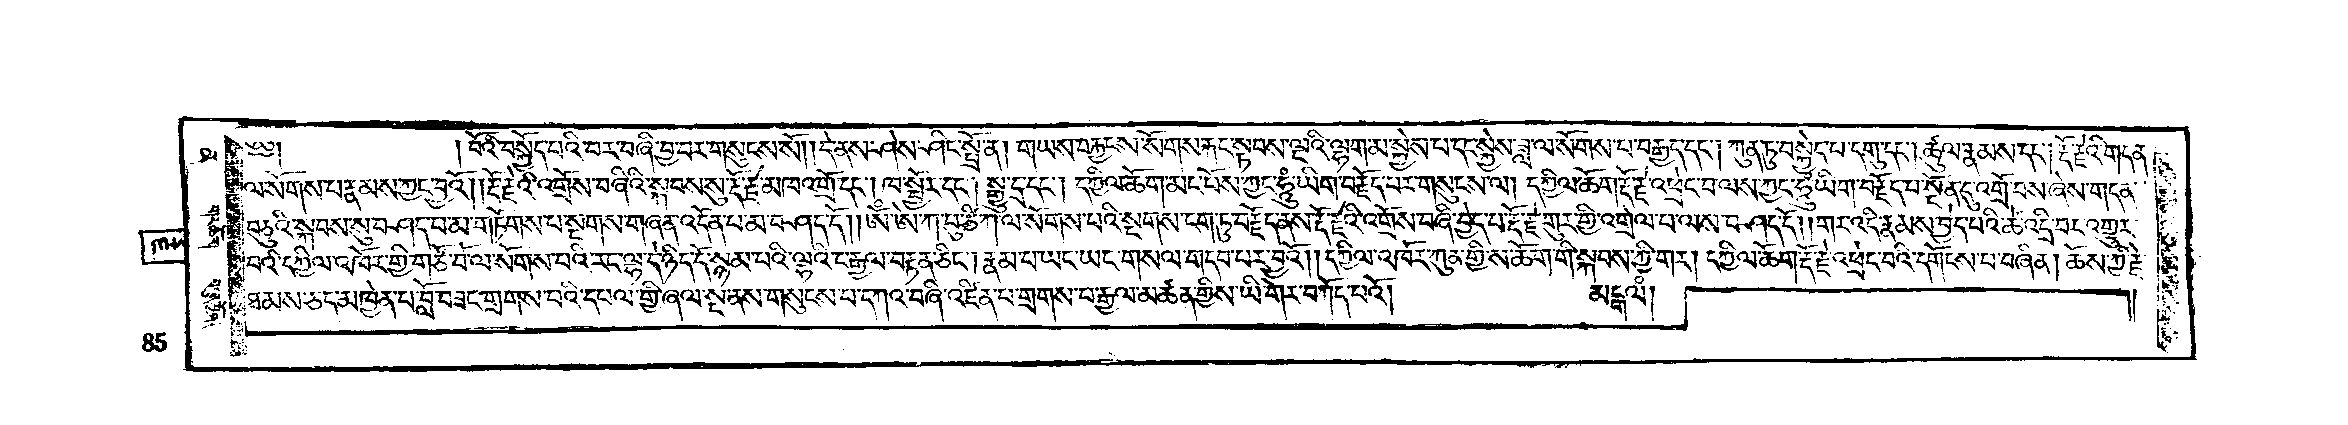༄༅། །བོའི་བསྐྱོད་པའི་བར་བཞི་བྱ་བར་གསུངས་སོ། །དེ་ནས་ཤེས་ཤིང་སྤྲོ་ན། གཡས་བརྐྱངས་སོགས་རྐང་སྟབས་ལྔའི་ལྷག་མ་སྐྱེས་པ་དང་སྐྱེས་ཟླ་ལ་སོགས་པ་བརྒྱད་དང་། ཀུན་ཏུ་བསྐྱེད་པ་དགུ་དང་། ཚུལ་རྣམས་དང་། རྡོ་རྗེའི་གདན་
ལ་སོགས་པ་རྣམས་ཀྱང་བྱའོ། །རྡོ་རྗེའི་འགྲོས་བཞིའི་སྐབས་སུ་རྡོ་རྗེ་མཁའ་འགྲོ་དང་། ཁ་སྦྱོར་དང་། སྒྱུ་དྲ་དང་། དཀྱིལ་ཆོག་མང་པོས་ཀྱང་ཧཱུཾ་ཡིག་བརྗོད་པར་གསུངས་ལ། དཀྱིལ་ཆོག་རྡོ་རྗེ་འཕྲེང་བ་ལས་ཀྱང་ཧཱུཾ་ཡིག་བརྗོད་པ་སྔོན་དུ་འགྲོ་བས་ཞེས་གདན་
བཅུའི་སྐབས་སུ་བཤད་པ་མ་གཏོགས་པ་སྔགས་གཞན་འདོན་པ་མ་བཤད་དོ། །ཨོཾ་ཨེ་ཀ་པུ་ཙི་ཀ་ལ་སོགས་པའི་སྔགས་ངག་ཏུ་བརྗོད་ནས་རྡོ་རྗེའི་འགྲོས་བཞི་བྱེད་པ་རྡོ་རྗེ་གུར་གྱི་འགྲེལ་བ་ལས་བཤད་དོ། །གར་འདི་རྣམས་བྱེད་པའི་ཚེ་འདྲི་བར་འགྱུར་
བའི་དཀྱིལ་འཁོར་གྱི་གཙོ་བོ་ལ་སོགས་པའི་རང་ལྷ་དེ་ཉིད་དོ་སྙམ་པའི་ལྷའི་ང་རྒྱལ་བརྟན་ཅིང་། རྣམ་པ་ཡང་ཡང་གསལ་གདབ་པར་བྱའོ། །དཀྱིལ་འཁོར་ཀུན་གྱི་ས་ཆོག་གི་སྐབས་ཀྱི་གར། དཀྱིལ་ཆོག་རྡོ་རྗེ་འཕྲེང་བའི་དགོངས་པ་བཞིན། ཆོས་ཀྱི་རྗེ་
ཐམས་ཅད་མཁྱེན་པ་བློ་བཟང་གྲགས་པའི་དཔལ་གྱི་ཞལ་སྔ་ནས་གསུངས་པ་དཀའ་བཞི་འཛིན་པ་གྲགས་པ་རྒྱལ་མཚན་གྱིས་ཡི་གེར་བཀོད་པའོ། །མངྒ་ལཾ།